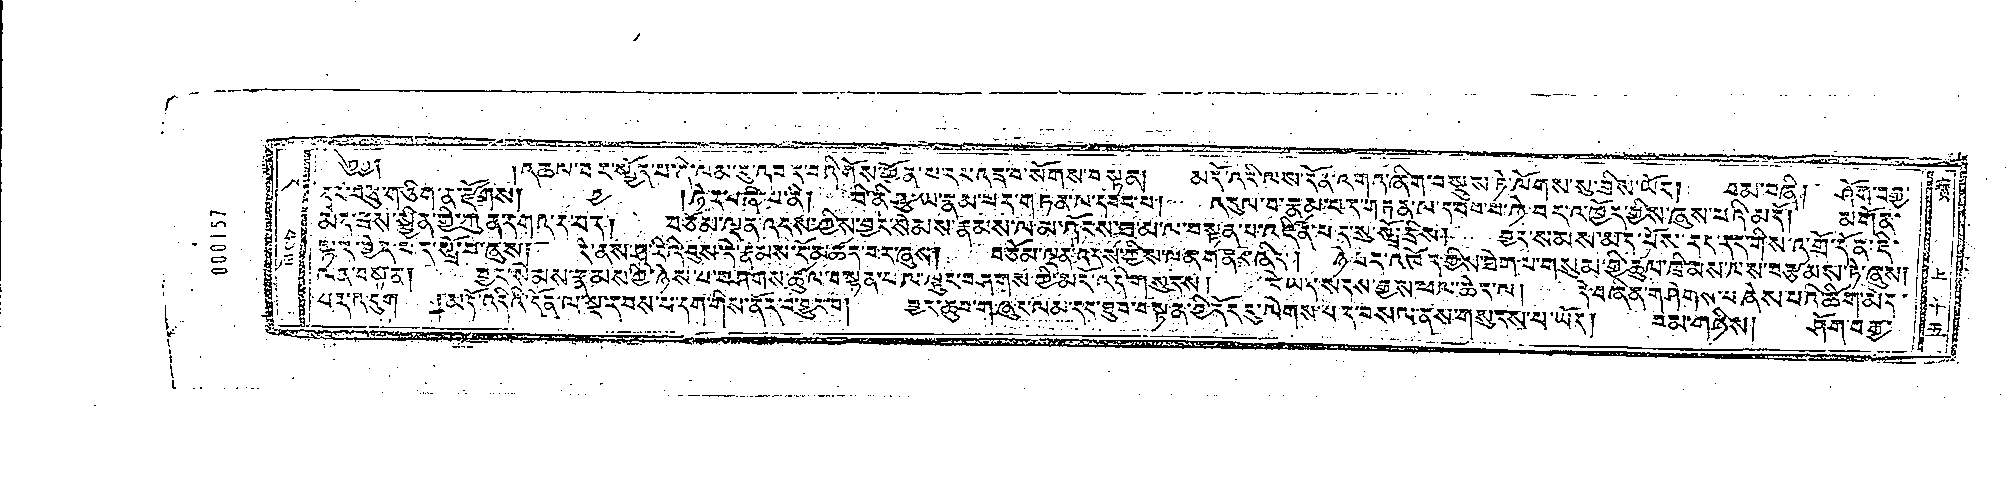༄༅། །འཆལ་བར་སྤྱོད་པ་ནི་ལམ་དུ་འབར་བའི་གོས་གྱོན་པ་དང་འདྲ་བ་སོགས་བསྟན། མདོ་འདི་ལས་དོན་འགའ་ཞིག་བསྡུས་ཏེ་ལོགས་སུ་བྲིས་ཡོད། བམ་བཞི། ཤོག་བརྒྱ་
དང་བཅུ་གཅིག་ན་རྫོགས། ༧་།ཉེར་བཞི་པ་ནི། བི་ནིཤྩ་ཡ་རྣམ་པར་གཏན་ལ་དབབ་པ། འདུལ་བ་རྣམ་པར་གཏན་ལ་དབབ་པ་ཉེ་བར་འཁྱོར་གྱིས་ཞུས་པའི་མདོ། མགོན་
མེད་ཟས་སྦྱིན་གྱི་ཀུན་དགའ་ར་བར། བཅོམ་ལྡན་འདས་ཀྱིས་བྱང་སེམས་རྣམས་ལ་མ་འོངས་ཐ་མ་ལ་བསྟན་པ་འཛིན་པར་སུ་སྤྲོ་དྲིས། བྱང་སེམས་མང་པོས་རང་རང་གིས་འགྲོ་དོན་ཇི་
ལྟར་བྱེད་པར་སྤྲོ་བ་ཞུས། དེ་ནས་ཤཱ་རིའི་བུས་དེ་རྣམས་ངོ་མཚར་བར་ཞུས། བཅོམ་ལྡན་འདས་ཀྱིས་ལན་གནང་ཞིང་། ཉེ་བར་འཁོར་གྱིས་ཐེག་པ་གསུམ་གྱི་ཚུལ་ཁྲིམས་ལས་བརྩམས་ཏེ་ཞུས། ལན་བསྟན། བྱང་སེམས་རྣམས་ཀྱི་ཉེས་པ་བཤགས་ཚུལ་བསྟན་པ་ལ་ལྟུང་བཤགས་ཀྱི་མདོ་འདི་གསུངས། དེ་ཡང་སངས་རྒྱས་ཕལ་ཆེར་ལ། དེ་བཞིན་གཤེགས་པ་ཞེས་པའི་ཚིག་མེད་
པར་འདུག །མདོ་འདིའི་དོན་ལ་སྔ་རབས་པ་དག་གིས་ནོར་བ་བྱུང་བ། བྱང་ཆུབ་གཞུང་ལམ་དང་ཐུབ་བསྟན་བྱི་དོར་དུ་ལེགས་པར་བསལ་ནས་གསུངས་པ་ཡོད། བམ་གཉིས། ཤོག་བརྒྱ་